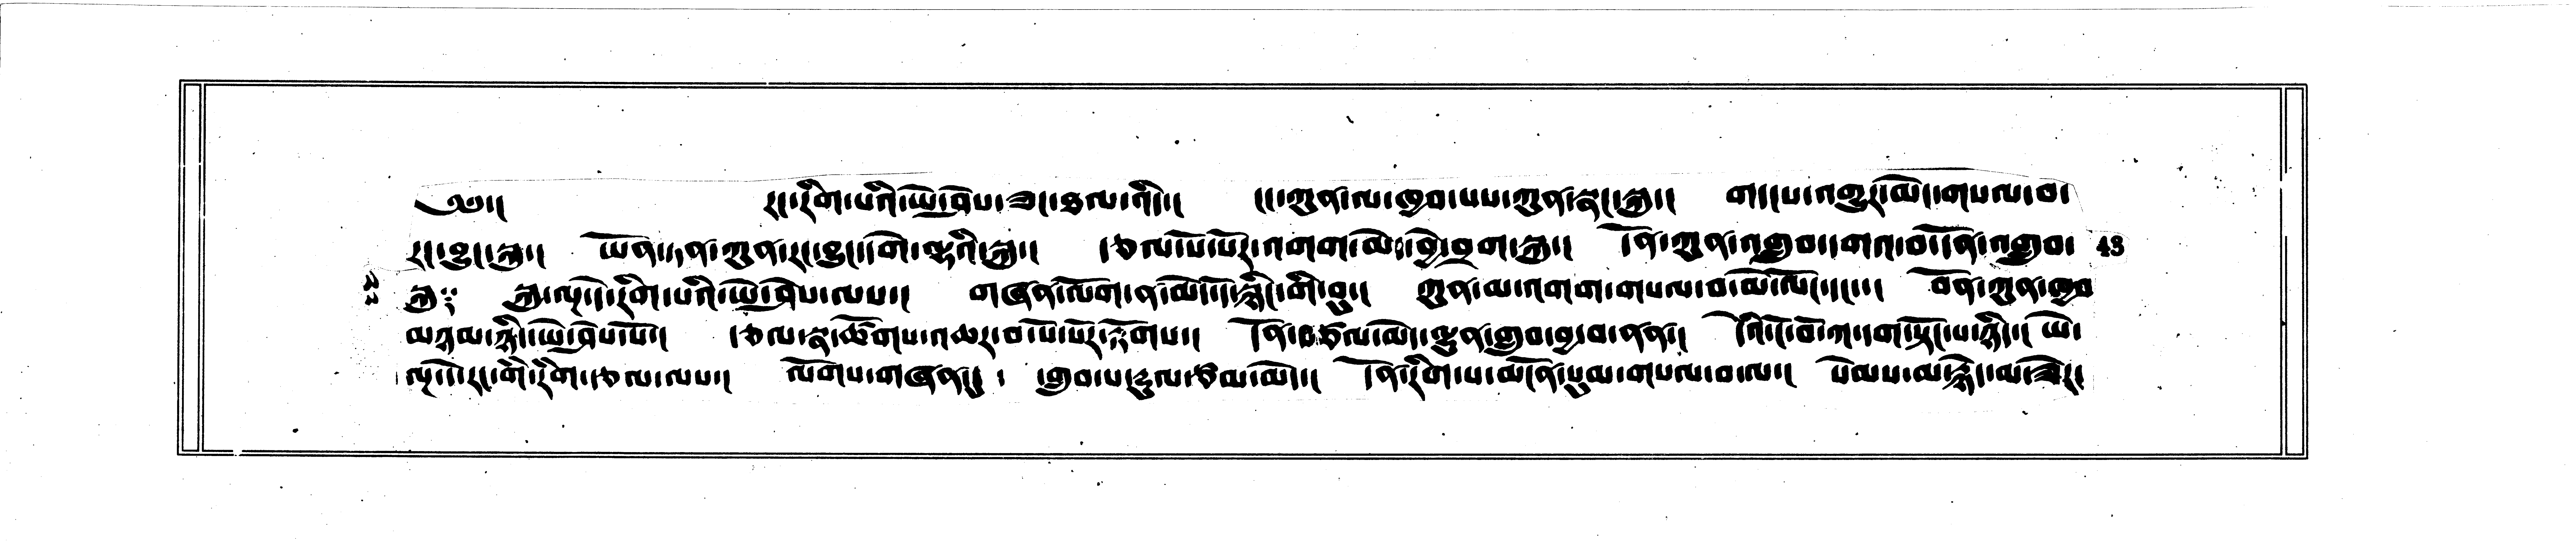རང་རིག་པའི་ཡེ་ཤེས་ཟང་ཐལ་འདི། །ངང་ཀུན་ལ་ཁྱབ་པས་ཀུན་སྣང་སྐུ། །གདངས་འགྱུར་མེད་གསལ་བ་
རང་འབྱུང་སྐུ། །ཡོན་ཏན་ཀུན་རང་འབྱུང་དགེ་ལྷའི་སྐུ། །རྩལ་སོ་སོར་འགག་མེད་བྱེ་བྲག་སྐུ། །དོན་ཀུན་འགྲུབ་དགའ་བ་དོན་གྲུབ་
སྐུ། །སྐུ་ལྔ་དེ་རིག་པའི་ཡེ་ཤེས་ལས། །གཞན་ལོག་ན་མེད་དེ་སྙིང་གི་བུ། །ཀུན་མ་འགག་གསལ་བ་མེ་ལོང་དང་། །བོན་ཀུན་ཁྱབ་
མཉམ་ཉིད་ཡེ་ཤེས་སོ། །རྩལ་སྣ་ཚོགས་འཆར་བ་སོ་སོར་རྟོགས། །དོན་བརྩལ་མེད་ལྷུན་གྲུབ་བྱ་བ་ནན། །དེའི་ངོ་བོ་ཀ་དག་སྟོང་པ་ཉིད། །ཡེ་
ལྔ་དེ་རང་གི་རིག་རྩལ་ལས། །ལོགས་གཞན་དུ་གྲུབ་པ་རྡུལ་ཙམ་མེད། །དོན་རིག་པ་མངོན་སུམ་གསལ་བ་ལ། །སེམས་མ་རྙེད་མ་ཟེར་